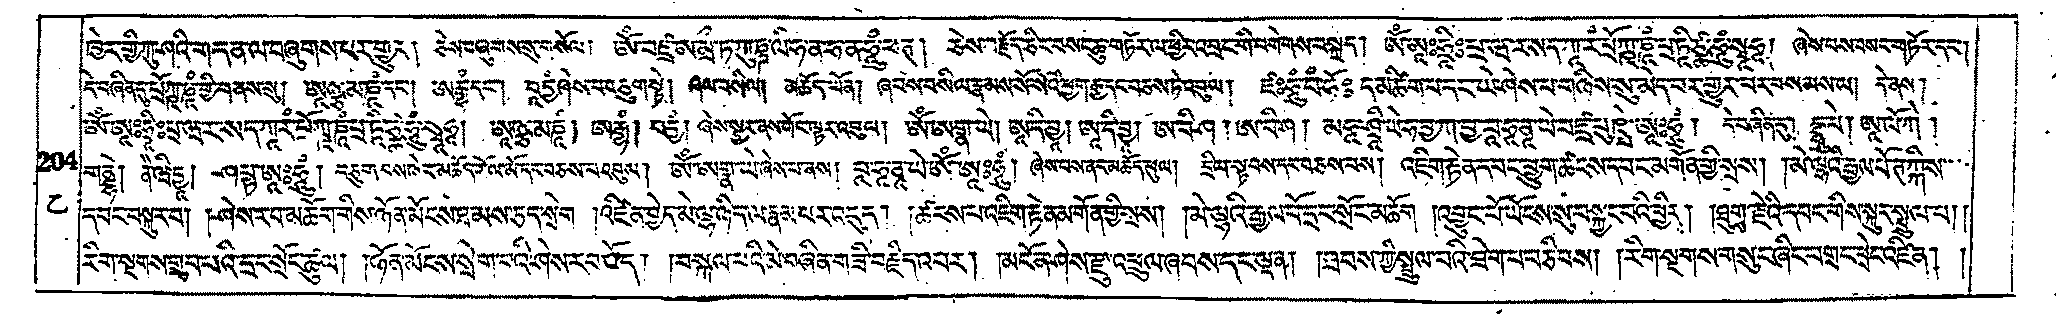ཁྱེར་གྱི་ཀུ་ཤའི་གདན་ལ་བཞུགས་པར་གྱུར། ཅེས་བཞུགས་སུ་གསོལ།  ཨོཾ་བཛྲ་ཨ་མྲྀ་ཏ་ཀུཎྜ་ལི་ཧ་ན་ཧ་ན་ཧཱུཾ་ཕཊ། ཅེས་བརྗོད་ཅིང་བསང་ཆུ་གཏོར་ལ་ཕྱིར་འབྲང་གི་བགེགས་བསྐྲད།  ཨོཾ་ཨཱཿཧྲཱིཿཔྲ་ཝ་ར་སད་ཀཱ་རཾ་པྲོཀྵ་ཎཱཾ་པྲ་ཏཱི་ཙྪ་ཧཱུཾ་སྭཱཧཱ། ཞེས་པས་བསང་གཏོར་དང་།
དེ་བཞིན་དུ་པྲོཀྵ་ཎཱཾ་གྱི་གནས་སུ། ཨཱཉྩ་མ་ཎཱཾ་དང་། ཨརྒྷཾ་དང་། པཱདྱཾ་ཞེས་པ་བཅུག་སྟེ། ཞལ་བསིལ། མཆོད་ཡོན། ཞབས་བསིལ་རྣམས་སོ་སོའི་ཕྱག་རྒྱ་དང་བཅས་ཏེ་འབུལ། ཛཿཧཱུཾ་བཾ་ཧོཿདམ་ཚིག་པ་དང་ཡེ་ཤེས་པ་གཉིས་སུ་མེད་པར་གྱུར་པར་བསམས་ལ། དེ་ནས།
ཨོཾ་ཨཱཿཧྲཱིཿཔྲ་ཝ་ར་སད་ཀཱ་རཾ་པྲོཀྵ་ཎཱཾ་པྲ་ཏཱི་ཙྪ་ཧཱུཾ་སྭཱཧཱ། ཨཱཉྩ་མ་ཎཱཾ། ཨརྒྷཾ། པདྱཾ། ཞེས་སྦྱར་ནས་གོང་ལྟར་འབུལ།  ཨོཾ་ཨགན་ཡེ། ཨཱ་དི་བྱཱ། ཨཱ་དི་བྱཱ། ཨ་བི་ཤ་།ཨ་བི་ཤ་།མཧཱ་ཤྲཱི་ཡེ་ཧ་བྱ་ཀ་བྱ་བཱ་ཧཱ་ནཱ་ཡེ་བཛྲ་པུཥྤེ་ཨཱཿཧཱུཾ། དེ་བཞིན་དུ།  དྡྷཱུ་པེ། ཨཱ་ལོ་ཀེ། ག་
གནྡྷེ། ནཻ་ཝིདྱཱ། ཤཔྟ་ཨཱཿཧཱུཾ། བཅུག་བས་ཉེར་མཆོད་རོལ་མོ་དང་བཅས་པ་འབྒུལ། ཨོཾ་ཨགན་ཡེ་ཞེས་པ་ནས། བཱ་ཧཱ་ནཱ་ཡེ་ཨོཾ་ཨཱཿཧཱུཾ། ཞེས་པས་ནང་མཆོད་ཕུལ། དྲིལ་སྟབས་དང་བཅས་པས།  འཇིག་རྟེན་དབང་ཕྱུག་ཚངས་དབང་མགོན་གྱི་སྲས། །མེ་ལྷའི་རྒྱལ་པོ་ཊ་ཀྐི་ས་་་
དབང་བསྐུར་བ། །ཤེས་རབ་མཆོག་གིས་ཉོན་མོངས་ཐམས་ཅད་སྲེག །འཛིན་བྱེད་མེ་ལྷ་ཉིད་ལ་རྣམ་པར་འདུད། །ཚངས་པ་འཇིག་རྟེན་མགོན་གྱི་སྲས། །མེ་ལྷའི་རྒྱལ་པོ་དྲང་སྲོང་མཆོག །འབྱུང་པོ་ཡོངས་སུ་བསྐྱང་བའི་ཕྱིར། །ཐུགས་རྗེའི་དབང་གིས་སྐུར་སྤྲུལ་པ། །
རིག་སྔགས་གྲུབ་པའི་དྲང་སྲོང་ཚུལ། །ཉོན་མོངས་སྲེག་པའི་ཤེས་རབ་འོད། །བསྐལ་པའི་མེ་བཞིན་གཞི་བརྗིད་འབར། །མངོན་ཤེས་རྫུ་འཕྲུལ་ཞབས་དང་ལྡན། །ཐབས་ཀྱི་སྤྲུལ་པའི་ཐེག་པ་བཅིབས། །རིག་སྔགས་གསུང་ཞིང་བགྲང་ཕྲེང་འཛིན། །